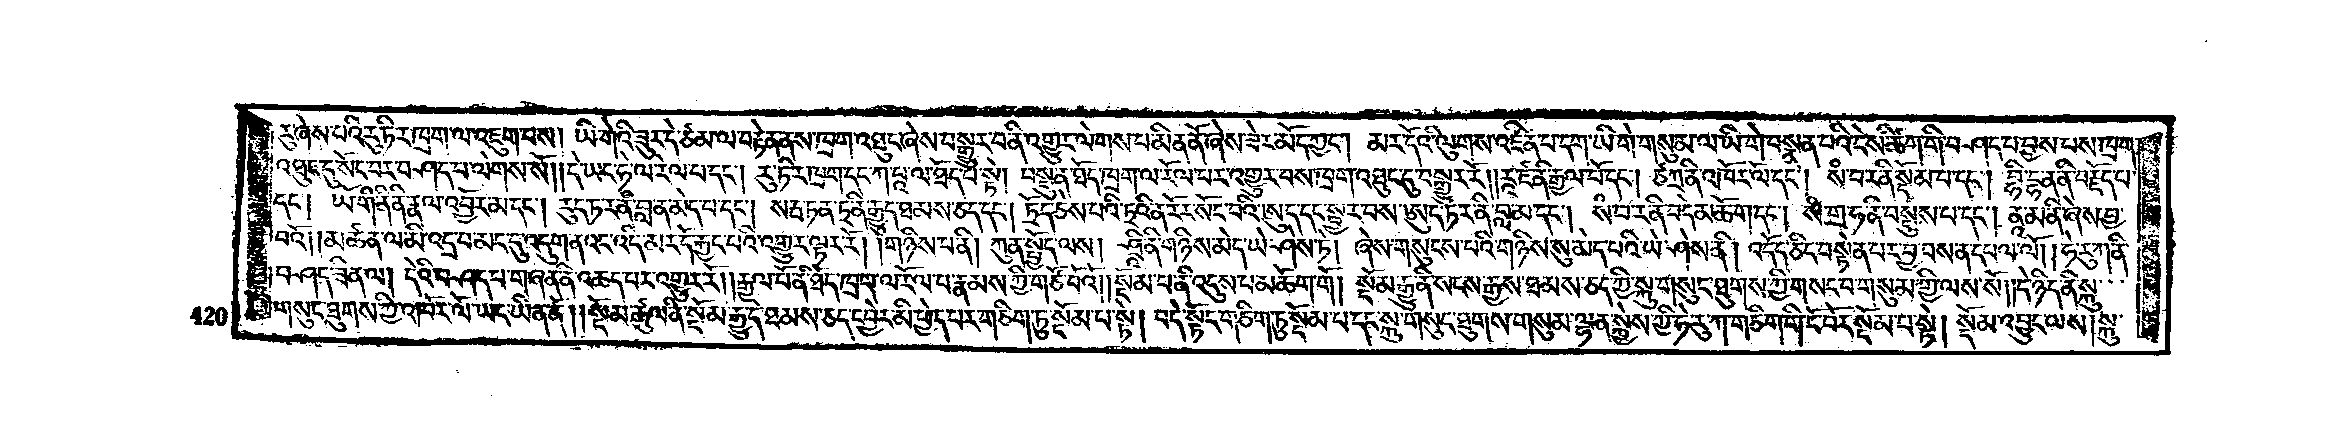རུ་ཞེས་པའི་རུ་ཏིར་ཁྲག་ལ་འཇུག་པས། ཡི་གེའི་ཟུར་དེ་ཙམ་ལ་བརྟེན་ནས་ཁྲག་འཐུང་ཞེས་བསྒྱུར་བ་ནི་འགྱུར་ལེགས་པ་མིན་ནོ་ཞེས་ཟེར་མོད་ཀྱང་། མར་དོའི་ལུགས་འཛིན་པ་དག་ཡི་གེ་གསུམ་ལ་ཡི་གེ་བསྣན་པའི་ངེས་ཚིག་གི་བཤད་པ་བྱས་པས་ཁྲག་
འཐུང་དུ་སོང་བར་བཤད་པ་ལེགས་སོ། །དེ་ཡང་ཧེ་ལ་རེལ་པ་དང་། རུ་ཏི་ར་ཁྲག་དང་ཀ་པཱ་ལ་ཐོད་པ་སྟེ། བསྡུ་ན་ཐོད་ཁྲག་ལ་རོལ་པར་འགྱུར་བས་ཁྲག་འཐུང་དུ་བསྒྱུར་རོ། །རཱ་ཛ་ནི་རྒྱལ་པོ་དང་། ཙ་ཀྲ་ནི་འཁོར་ལོ་དང་། སཾ་བ་ར་ནི་སྡོམ་པ་དང་། བྷི་དྷ་ན་ནི་བརྗོད་པ་
དང་། ཡོ་གི་ནི་ནི་རྣལ་འབྱོར་མ་དང་། རུད་ཏ་ར་ནི་བླ་ན་མེད་པ་དང་། སརྦ་ཏན་ཏྲ་ནི་རྒྱུད་ཐམས་ཅད་དང་། ཏྲོད་ཅེས་པའི་ཏྲའི་ན་རོར་སོང་བའི་ཨུད་དང་སྦྱར་བས་ཨུད་ཏ་ར་ནི་བླ་མ་དང་། སཾ་བ་ར་ནི་བདེ་མཆོག་དང་། སཾ་གྲ་ཧ་ནི་བསྡུས་པ་དང་། ནཱ་མ་ནི་ཞེས་བྱ་
བའོ། །མཚན་ལ་མི་འདྲ་བ་མང་དུ་འདུག་ནའང་འདི་མར་དོ་རྐྱང་པའི་འགྱུར་ལྟར་རོ། །གཉིས་པ་ནི། ཀུན་སྤྱོད་ལས། ཤྲཱི་ནི་གཉིས་མེད་ཡེ་ཤེས་ཏེ། ཞེས་གསུངས་པའི་གཉིས་སུ་མེད་པའི་ཡེ་ཤེས་ནི། འདོད་ཅིང་བསྟེན་པར་བྱ་བས་ན་དཔལ་ལོ། །ཧེ་རུ་ཀ་ནི་
བཤད་ཟིན་ལ། དེའི་བཤད་པ་གཞན་ནི་འཆད་པར་འགྱུར་རོ། རྒྱལ་པོ་ནི་ཐོད་ཁྲག་ལ་རོལ་པ་རྣམས་ཀྱི་གཙོ་བོའོ། །སྡོམ་པ་ནི་འདུས་པ་མཆོག་གོ །སྡོམ་རྒྱུ་ནི་སངས་རྒྱས་ཐམས་ཅད་ཀྱི་སྐུ་གསུང་ཐུགས་ཀྱི་གསང་བ་གསུམ་གྱི་ལས་སོ། །དེ་ཉིད་ནི་སྐུ་
གསུང་ཐུགས་ཀྱི་འཁོར་ལོ་ཡང་ཡིན་ནོ། །སྡོམ་ཚུལ་ནི་སྡོམ་རྒྱུ་དེ་ཐམས་ཅད་དབྱེར་མི་ཕྱེད་པར་གཅིག་ཏུ་སྡོམ་པ་སྟེ། བདེ་སྟོང་གཅིག་ཏུ་སྡོམ་པ་དང་སྐུ་གསུང་ཐུགས་གསུམ་ལྷན་སྐྱེས་ཀྱི་ཧེ་རུ་ཀ་གཅིག་གི་ངོ་བོར་སྡོམ་པ་སྟེ། སྡོམ་འབྱུང་ལས། སྐུ་